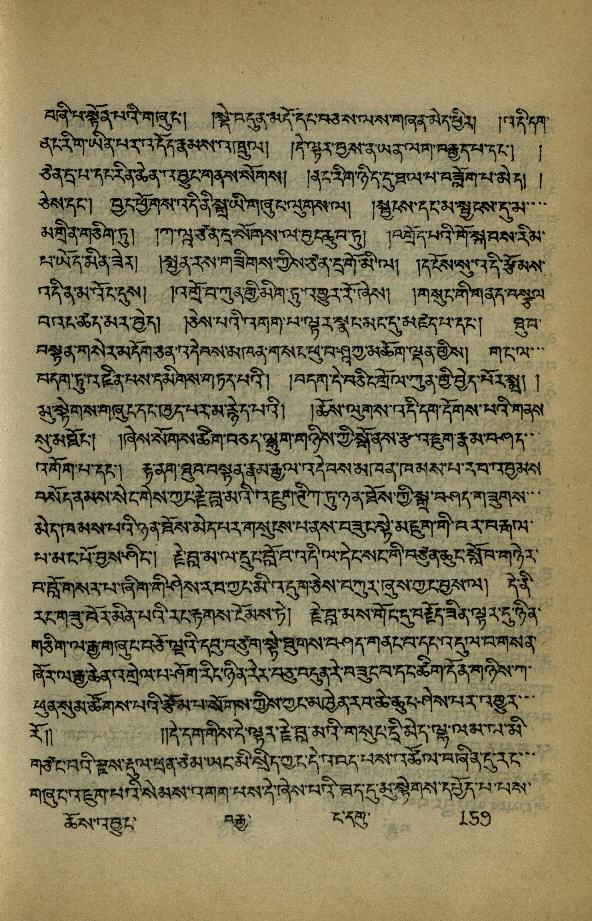བཞི་པ་སྟོན་པའི་གཞུང་། །སྡེ་བདུན་མདོ་དང་བཅས་ལས་གཞན་མེད་ཕྱིར། །འདི་དག་
ནང་རིག་ཡིན་པར་འདོད་རྣམས་འཁྲུལ། །དེ་ལྟར་བྱས་ན་ཡན་ལག་བརྒྱད་པ་དང་། །
ཙན་དྲ་པ་དང་རིན་ཆེན་འབྱུང་གནས་སོགས། །ནང་རིག་ཉིད་དུ་ཐལ་པ་བཟློག་པ་མེད། །
ཅེས་དང་། བྱང་ཕྱོགས་འདི་ནི་སྒྲ་ཡི་གཞུང་ལུགས་ལ། །སྦྱངས་དང་མ་སྦྱངས་དུ་མ་
མགྲིན་གཅིག་ཏུ། །ཀ་ལཱ་ཙན་དྲ་སོགས་ལ་བྱང་ཆུབ་ཏུ། །བགྲོད་པའི་གོ་སྐབས་རིམ་
པ་ཡོད་མིན་ཟེར། །སྤྱན་རས་གཟིགས་ཀྱིས་ཙན་དྲ་གོ་མི་ལ། །དངོས་སུ་འདི་རྩོམས་
འདི་ན་མ་འོང་དུས། །འགྲོ་བ་ཀུན་གྱི་མིག་ཏུ་འགྱུར་རོ་ཞེས། །གསུང་གི་གནད་བསྩལ་
བའང་ཚད་མར་བྱེད། །ཅེས་པའི་འགག་པ་ལྟར་སྣང་མང་དུ་མཛད་པ་དང་། ཐུབ་
བསྟན་གསེར་མདོག་ཅན་འདེབས་མཁན་གསང་ཕུ་བ་ཤཱཀྱ་མཆོག་ལྡན་གྱིས། གང་ལ་
བདག་ཏུ་འཛིན་པས་དམིགས་གཏད་པའི། །བདག་དེ་བཅིང་གྲོལ་ཀུན་གྱི་བྱེད་པོར་སྨྲ། །
མུ་སྟེགས་གཞུང་དང་ཁྱད་པར་མ་རྙེད་པའི། །ཆོས་ལུགས་འདི་དག་དོགས་པའི་གནས་
སུ་མཐོང་། །ཞེས་སོགས་ཚིག་བཅད་ལྷུག་གཉིས་ཀྱི་སྒོ་ནས་རྩ་འཇུག་རྣམ་བཤད་
འགོག་པ་དང་། རྟ་ནག་ཐུབ་བསྟན་རྣམ་རྒྱལ་འདེབས་མཁན་ཁམས་པ་རབ་འབྱམས་
བསོད་ནམས་སེང་གེས་ཀྱང་རྗེ་བླ་མའི་འཇུག་ཊིཀ་ཏུ་ཉན་ཐོས་ཀྱི་སྒྲ་བཤད་གཟུགས་
མེད་ཁམས་པའི་ཉན་ཐོས་མེད་པར་གསུངས་པ་ནས་བཟུང་སྟེ་མཇུག་གི་བར་བརྒལ་
པ་མང་པོ་བྱས་ཤིང་། རྗེ་བླ་མ་ལ་དྲུང་བློ་བ་འདི་ལ་དེང་སང་གི་བཙུན་ཆུང་སློབ་གཉེར་
བ་བློ་གསར་པ་ཞིག་གི་ཤེས་རབ་ཀྱང་མི་འདུག་ཅེས་བཀུར་ཞུས་ཀྱང་བྱས་ལ། དེ་ནི་
རང་གཟུ་བོར་མིན་པའི་རང་རྟགས་ངོམས་ཏེ། རྗེ་བླ་མས་གོང་དུ་བརྗོད་ཟིན་ལྟར་དུ་ཉིན་
གཅིག་ལ་རྒྱ་གཞུང་བཅོ་ལྔའི་དབུ་བཙུག་སྟེ་ཐུགས་བཤད་གནང་བ་དང་འདུལ་བ་གསན་
ཞོར་ལ་རྒྱ་ཆེན་འགྲེལ་པ་ཤོག་རིང་ཉིན་རེར་བཅུ་བདུན་རེ་བཟུང་བ་དང་ཚིག་དོན་གཉིས་ཀ་
ཕུན་སུམ་ཚོགས་པའི་རྩོམ་པ་སོགས་ཀྱིས་ཀྱང་མཁྱེན་རབ་ཆེ་ཆུང་ཤེས་པར་འགྱུར་
རོ།། །།དེ་དག་གིས་དེ་ལྟར་རྗེ་བླ་མའི་གསུང་དྲི་མེད་ལྷ་ལམ་ལ་མི་
གཙང་བའི་རྫས་རྡུལ་ཕྲན་ཙམ་ཡང་མི་སྲིད་ཀྱང་དེ་འབད་པས་འཚོལ་བཞིན་དུ་རང་
གཞུང་འཇུག་པའི་སེམས་འགག་པས་དེ་ཞེས་པའི་ཐད་དུ་མུ་སྟེགས་དཔྱོད་པ་པས་